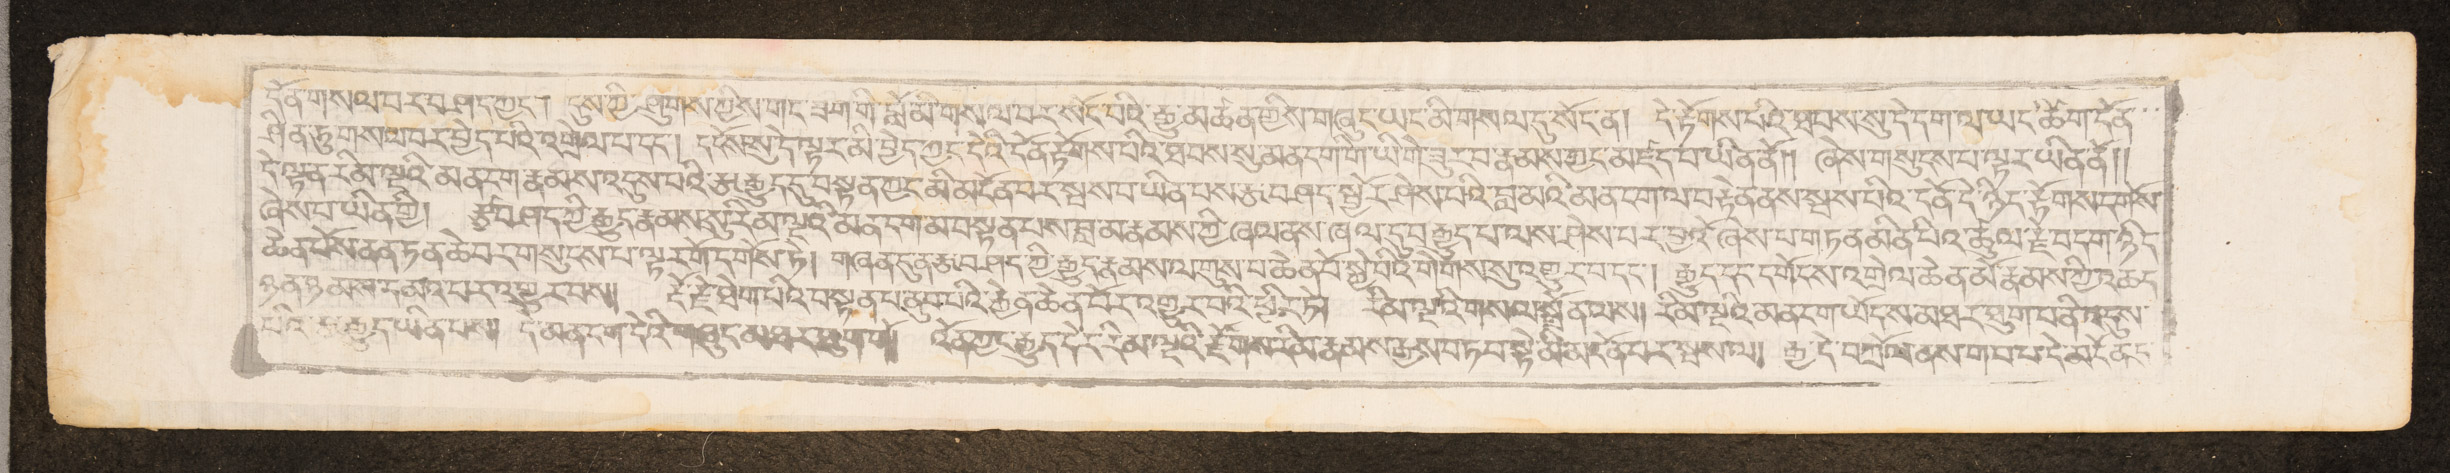དོན་གསལ་བར་བཤད་ཀྱང་། དུས་ཀྱི་ཤུགས་ཀྱིས་གང་ཟག་གི་བློ་མི་གསལ་བར་སོང་བའི་རྒྱུ་མཚན་གྱིས་གཞུང་ཡང་མི་གསལ་དུ་སོང་ན། དེ་རྟོགས་པའི་ཐབས་སུ་དེ་དག་ལ་ཡང་ཚིག་དོན་
ཤིན་ཏུ་གསལ་བར་བྱེད་པའི་འགྲེལ་པ་དང་། དངོས་སུ་དེ་ལྟར་མི་བྱེད་ཀྱང་དེའི་དོན་རྟོགས་པའི་ཐབས་སུ་མན་ངག་གི་ཡི་གེ་ཟུར་བ་རྣམས་ཀྱང་མཛད་པ་ཡིན་ནོ།། ཞེས་གསུངས་པ་ལྟར་ཡིན་ནོ།།
དེ་ལྟ་ན་རིམ་ལྔའི་མན་ངག་རྣམས་འདུས་པའི་རྩ་རྒྱུད་དུ་བསྟན་ཀྱང་མི་མངོན་པར་སྤས་པ་ཡིན་པས་རྩ་བཤད་སྦྱོར་ཤེས་པའི་བླ་མའི་མན་ངག་ལ་བརྟེན་ནས་སྤས་པའི་དོན་དེ་ཉིད་རྟོགས་དགོས་
ཞེས་པ་ཡིན་གྱི། རྩ་བཤད་ཀྱི་རྒྱུད་རྣམས་སུ་རིམ་ལྔའི་མན་དག་མ་བསྟན་པས་བླ་མ་རྣམས་ཀྱི་ཞལ་ནས་ཞལ་དུ་བརྒྱུད་པ་ལས་ཤེས་པར་བྱའོ་ཞེས་པ་གཏན་མིན་པའི་ཚུལ་རྗེ་བདག་ཉིད་
ཆེན་པོས་ནན་ཏན་ཆེ་བར་གསུངས་པ་ལྟར་གོ་དགོས་ཏེ། གཞན་དུ་ན་རྩ་བཤད་ཀྱི་རྒྱུད་རྣམས་ལ་གུས་པ་ཆེན་པོ་སྐྱེ་བའི་གེགས་སུ་འགྱུར་བ་དང་། རྒྱུད་དང་དགོངས་འགྲེལ་ཆེན་མོ་རྣམས་ཀྱི་འཆད་
ཉན་ཉམས་དམའ་བར་འགྱུར་བས། རྡོ་རྗེ་ཐེག་པའི་བསྟན་པ་ནུབ་པའི་རྐྱེན་ཆེན་པོར་འགྱུར་བའི་ཕྱིར་ཏེ། རིམ་ལྔའི་གསལ་སྒྲོན་ལས། རིམ་ལྔའི་མན་ངག་ཡོད་ས་མཐར་ཐུག་པ་ནི་འདུས་
པའི་རྩ་རྒྱུད་ཡིན་པས། དེ་མན་ངག་དེའི་གཞུང་མཐར་ཐུག་གོ། འོན་ཀྱང་རྒྱུད་དེར་རིམ་ལྔའི་རྫོགས་རིམ་རྣམས་རྒྱས་བཏབ་སྟེ་མི་མངོན་པར་སྤས་ལ། རྒྱ་དེ་བཀྲོལ་ནས་གབ་པ་དེ་མངོན་དུ་